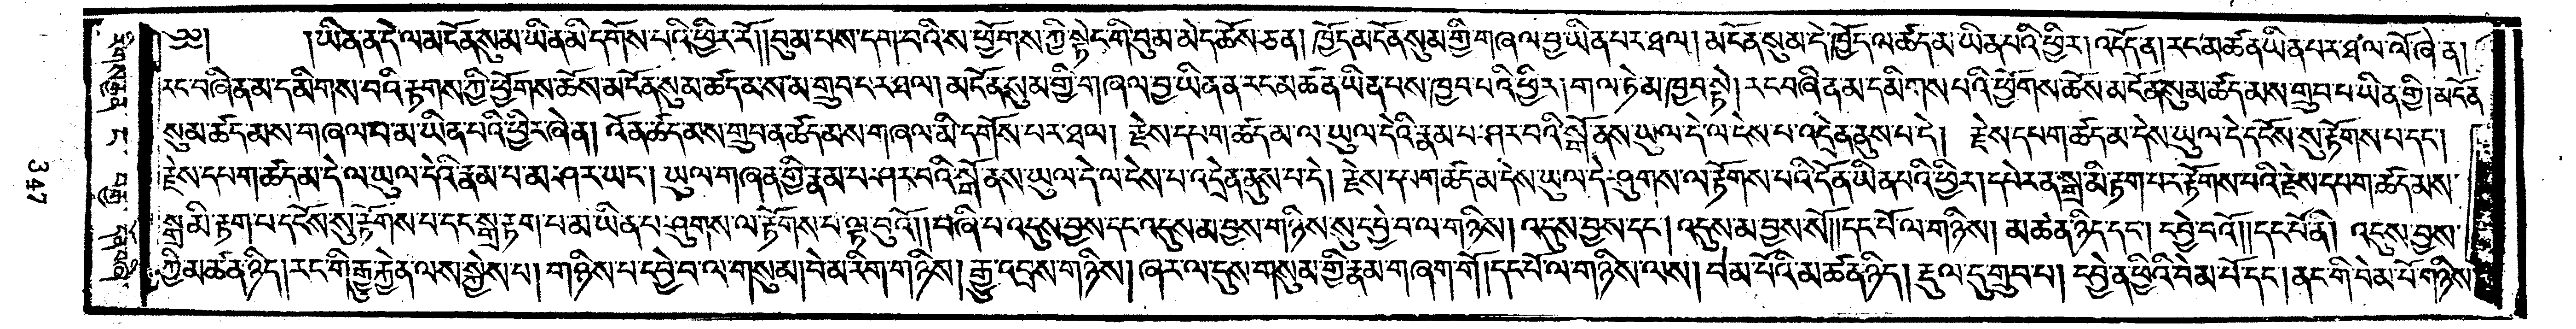༄༅། །ཡིན་ན་དེ་ལ་མངོན་སུམ་ཡིན་མི་དགོས་པའི་ཕྱིར་རོ། །བུམ་པས་དག་པའི་ས་ཕྱོགས་ཀྱི་སྟེང་གི་བུམ་མེད་ཆོས་ཅན། ཁྱོད་མངོན་སུམ་གྱི་གཞལ་བྱ་ཡིན་པར་ཐལ། མངོན་སུམ་དེ་ཁྱོད་ལ་ཚད་མ་ཡིན་པའི་ཕྱིར། འདོད་ན། རང་མཚན་ཡིན་པར་ཐལ་ལོ་ཞེ་ན།
རང་བཞིན་མ་དམིགས་པའི་རྟགས་ཀྱི་ཕྱོགས་ཆོས་མངོན་སུམ་ཚད་མས་མ་གྲུབ་པར་ཐལ། མངོན་སུམ་གྱི་གཞལ་བྱ་ཡིན་ན་རང་མཚན་ཡིན་པས་ཁྱབ་པའི་ཕྱིར། གལ་ཏེ་མ་ཁྱབ་སྟེ། རང་བཞིན་མ་དམིགས་པའི་ཕྱོགས་ཆོས་མངོན་སུམ་ཚད་མས་གྲུབ་པ་ཡིན་གྱི། མངོན་
སུམ་ཚད་མས་གཞལ་བ་མ་ཡིན་པའི་ཕྱིར་ཞེ་ན། འོ་ན་ཚད་མས་གྲུབ་ན་ཚད་མས་གཞལ་མི་དགོས་པར་ཐལ། རྗེས་དཔག་ཚད་མ་ལ་ཡུལ་དེའི་རྣམ་པ་ཤར་བའི་སྒོ་ནས་ཡུལ་དེ་ལ་ངེས་པ་འདྲེན་ནུས་པ་དེ། རྗེས་དཔག་ཚད་མ་དེས་ཡུལ་དེ་དངོས་སུ་རྟོགས་པ་དང་།
རྗེས་དཔག་ཚད་མ་དེ་ལ་ཡུལ་དེའི་རྣམ་པ་མ་ཤར་ཡང་། ཡུལ་གཞན་གྱི་རྣམ་པ་ཤར་བའི་སྒོ་ནས་ཡུལ་དེ་ལ་ངེས་པ་འདྲེན་ནུས་པ་དེ། རྗེས་དཔག་ཚད་མ་དེས་ཡུལ་དེ་ཤུགས་ལ་རྟོགས་པའི་དོན་ཡིན་པའི་ཕྱིར། དཔེར་ན་སྒྲ་མི་རྟག་པར་རྟོགས་པའི་རྗེས་དཔག་ཚད་མས་
སྒྲ་མི་རྟག་པ་དངོས་སུ་རྟོགས་པ་དང་སྒྲ་རྟག་པ་མ་ཡིན་པ་ཤུགས་ལ་རྟོགས་པ་ལྟ་བུའོ། །བཞི་པ་འདུས་བྱས་དང་། འདུས་མ་བྱས་གཉིས་སུ་དབྱེ་བ་ལ་གཉིས། འདུས་བྱས་དང་། འདུས་མ་བྱས་སོ། །དང་པོ་ལ་གཉིས། མཚན་ཉིད་དང་། དབྱེ་བའོ། །དང་པོ་ནི། འདུས་བྱས་
ཀྱི་མཚན་ཉིད། རང་གི་རྒྱུ་རྐྱེན་ལས་སྐྱེས་པ། གཉིས་པ་དབྱེ་བ་ལ་གསུམ། བེམ་རིག་གཉིས། རྒྱུ་འབྲས་གཉིས། ཞར་ལ་དུས་གསུམ་གྱི་རྣམ་གཞག་གོ །དང་པོ་ལ་གཉིས་ལས། བེམ་པོའི་མཚན་ཉིད། རྡུལ་དུ་གྲུབ་པ། དབྱེ་ན་ཕྱིའི་བེམ་པོ་དང་། ནང་གི་བེམ་པོ་གཉིས་